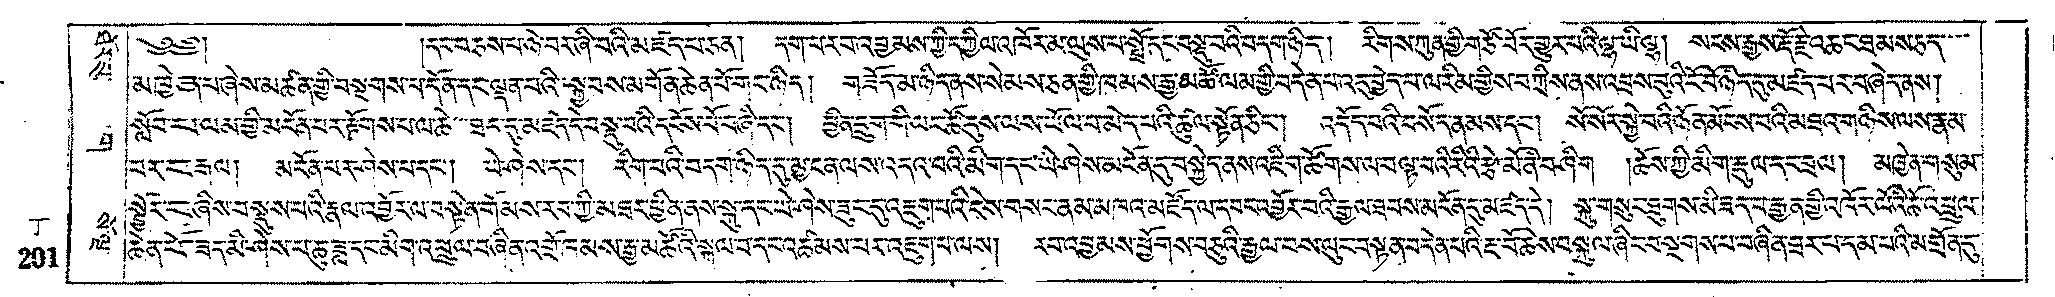༄༅། །དང་བཅས་པ་ཉེ་བར་ཞི་བའི་མཛད་པ་ཅན། དག་པ་རབ་འབྱམས་ཀྱི་དཀྱིལ་འཁོར་མ་ལུས་པ་སྤྲོ་དང་བསྡུ་བའི་བདག་ཉིད། རིགས་ཀུན་གྱི་གཙོ་བོར་གྱུར་པའི་ལྷ་ཡི་ལྷ། སངས་རྒྱས་རྡོ་རྗེ་འཆང་ཐམས་ཅད་་་
མཁྱེན་པ་ཞེས་མཚན་གྱི་བསྔགས་པ་དོན་དང་ལྡན་པའི ༧སྐྱབས་མགོན་ཆེན་པོ་གང་ཉིད། གཟོད་མ་ཉིད་ནས་སེམས་ཅན་གྱི་ཁམས་རྒྱ་མཚོ་ལམ་གྱི་བདེན་པ་འདུ་བྱེད་པ་ལ་རིམ་གྱིས་བཀྲིས་ནས་འབྲས་བུའི་ངོ་བོ་ཉིད་དུ་མཛད་པར་བཞེད་ནས།
སློབ་པ་ལམ་གྱི་མངོན་པར་རྟོགས་པ་ལ་ཆེ་་་ཐང་དུ་མཛད་དེ་བསྡུ་བའི་དངོས་པོ་བཞི་དང་། ཕྱིན་དྲུག་གི་ལང་ཚོ་དུས་ལས་ཡོལ་བ་མེད་པའི་ཚུལ་སྟོན་ཅིང་། འདོད་པའི་བསོད་ནམས་དང་། སོ་སོར་སྐྱེ་བའི་ཉོན་མོངས་པའི་མཐའ་གཉིས་ལས་རྣམ་
པར་བརྒལ། མངོན་པར་ཤེས་པ་དང་། ཡེ་ཤེས་དང་། རིག་པའི་བདག་ཉིད་དུ་མྱ་ངན་ལས་འདའ་བའི་མིག་དང་ཡེ་ཤེས་མངོན་དུ་བསྐྱེད་ནས་འཇིག་ཚོགས་ལ་བལྟ་བའི་རིའི་རྩེ་མོ་ནི་བཤིག །ཆོས་ཀྱི་མིག་རྡུལ་དང་བྲལ། མཁྱེན་གསུམ་
སྦྱོར་བཞིས་བསྡུས་པའི་རྣལ་འབྱོར་ལ་བསྟེན་གོམས་རབ་ཀྱི་མཐར་ཕྱིན་ནས་སྐུ་དང་ཡེ་ཤེས་ཟུང་དུ་འཇུག་པའི་ངེས་གསང་ནམ་མཁའ་མཛོད་ལ་དབང་འབྱོར་བའི་རྒྱལ་ཐབས་མངོན་དུ་མཛད་དེ། སྐུ་གསུང་ཐུགས་མི་ཟད་པ་རྒྱན་གྱི་འཁོར་ལོའི་ཆོ་འཕྲུལ་
ཆེན་པོ་ཟད་མི་ཤེས་པ་ཆུ་ཟླ་དང་མིག་འཕྲུལ་བཞིན་འགྲོ་ཁམས་རྒྱ་མཚོའི་སྐལ་བ་དང་འཚམས་པར་འཇུག་པ་ལས། རབ་འབྱམས་ཕྱོགས་བཅུའི་རྒྱལ་བས་ལུང་བསྟན་བདེན་པའི་རྔ་བོ་ཆེས་བསྐུལ་ཞིང་བསྔགས་པ་བཞིན་ཐར་པ་དམ་པའི་མགྲོན་དུ་